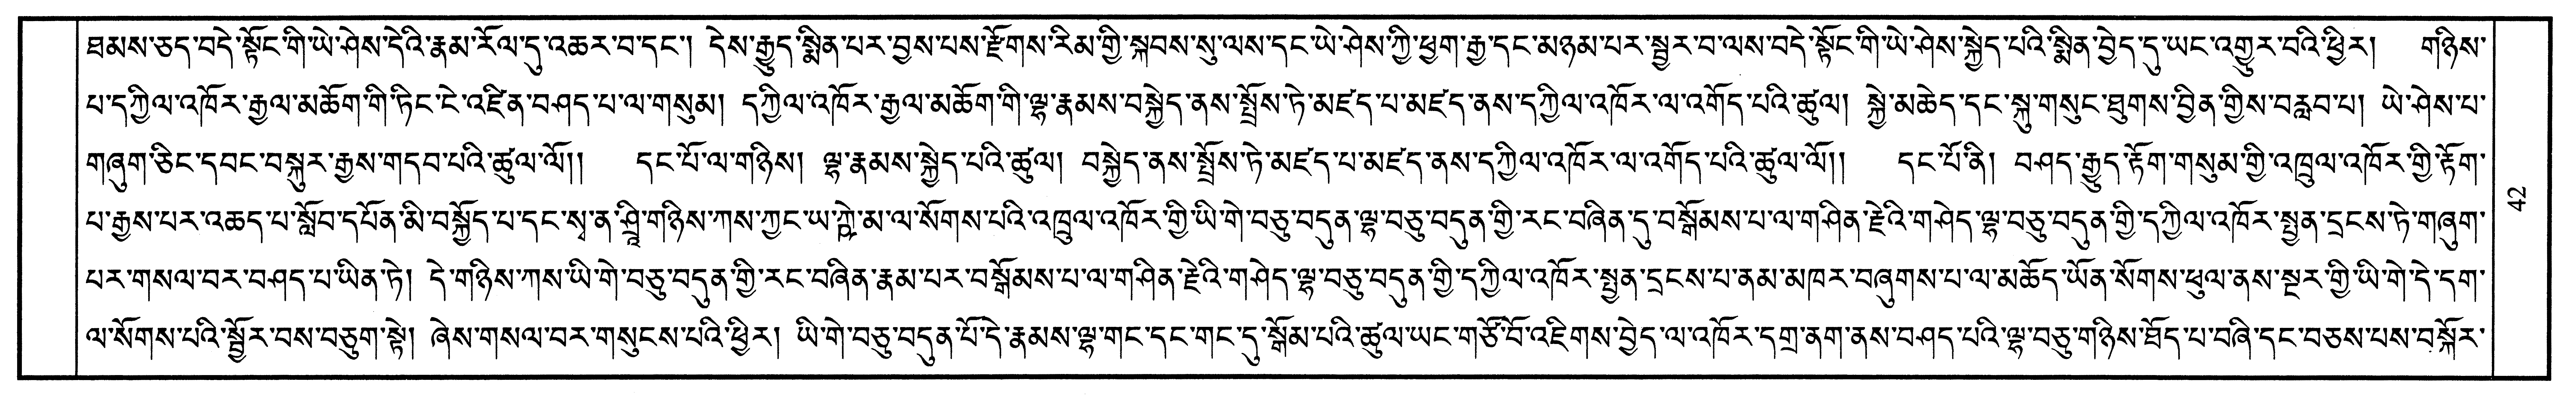ཐམས་ཅད་བདེ་སྟོང་གི་ཡེ་ཤེས་དེའི་རྣམ་རོལ་དུ་འཆར་བ་དང་། དེས་རྒྱུད་སྨིན་པར་བྱས་པས་རྫོགས་རིམ་གྱི་སྐབས་སུ་ལས་དང་ཡེ་ཤེས་ཀྱི་ཕྱག་རྒྱ་དང་མཉམ་པར་སྦྱར་བ་ལས་བདེ་སྟོང་གི་ཡེ་ཤེས་སྐྱེད་པའི་སྨིན་བྱེད་དུ་ཡང་འགྱུར་བའི་ཕྱིར། གཉིས་
པ་དཀྱིལ་འཁོར་རྒྱལ་མཆོག་གི་ཏིང་ངེ་འཛིན་བཤད་པ་ལ་གསུམ། དཀྱིལ་འཁོར་རྒྱལ་མཆོག་གི་ལྷ་རྣམས་བསྐྱེད་ནས་སྤྲོས་ཏེ་མཛད་པ་མཛད་ནས་དཀྱིལ་འཁོར་ལ་འགོད་པའི་ཚུལ། སྐྱེ་མཆེད་དང་སྐུ་གསུང་ཐུགས་བྱིན་གྱིས་བརླབ་པ། ཡེ་ཤེས་པ་
གཞུག་ཅིང་དབང་བསྐུར་རྒྱས་གདབ་པའི་ཚུལ་ལོ།། དང་པོ་ལ་གཉིས། ལྷ་རྣམས་སྐྱེད་པའི་ཚུལ། བསྐྱེད་ནས་སྤྲོས་ཏེ་མཛད་པ་མཛད་ནས་དཀྱིལ་འཁོར་ལ་འགོད་པའི་ཚུལ་ལོ།། དང་པོ་ནི། བཤད་རྒྱུད་རྟོག་གསུམ་གྱི་འཁྲུལ་འཁོར་གྱི་རྟོག་
པ་རྒྱས་པར་འཆད་པ་སློབ་དཔོན་མི་བསྐྱོད་པ་དང་སྭ་ན་ཤྲཱི་གཉིས་ཀས་ཀྱང་ཡ་ཀྵེ་མ་ལ་སོགས་པའི་འཁྲུལ་འཁོར་གྱི་ཡི་གེ་བཅུ་བདུན་ལྷ་བཅུ་བདུན་གྱི་རང་བཞིན་དུ་བསྒོམས་པ་ལ་གཤིན་རྗེའི་གཤེད་ལྷ་བཅུ་བདུན་གྱི་དཀྱིལ་འཁོར་སྤྱན་དྲངས་ཏེ་གཞུག་
པར་གསལ་བར་བཤད་པ་ཡིན་ཏེ། དེ་གཉིས་ཀས་ཡི་གེ་བཅུ་བདུན་གྱི་རང་བཞིན་རྣམ་པར་བསྒོམས་པ་ལ་གཤིན་རྗེའི་གཤེད་ལྷ་བཅུ་བདུན་གྱི་དཀྱིལ་འཁོར་སྤྱན་དྲངས་པ་ནམ་མཁར་བཞུགས་པ་ལ་མཆོད་ཡོན་སོགས་ཕུལ་ནས་སྔར་གྱི་ཡི་གེ་དེ་དག་
ལ་སོགས་པའི་སྦྱོར་བས་བཅུག་སྟེ། ཞེས་གསལ་བར་གསུངས་པའི་ཕྱིར། ཡི་གེ་བཅུ་བདུན་པོ་དེ་རྣམས་ལྷ་གང་དང་གང་དུ་སྒོམ་པའི་ཚུལ་ཡང་གཙོ་བོ་འཇིགས་བྱེད་ལ་འཁོར་དགྲ་ནག་ནས་བཤད་པའི་ལྷ་བཅུ་གཉིས་ཐོད་པ་བཞི་དང་བཅས་པས་བསྐོར་